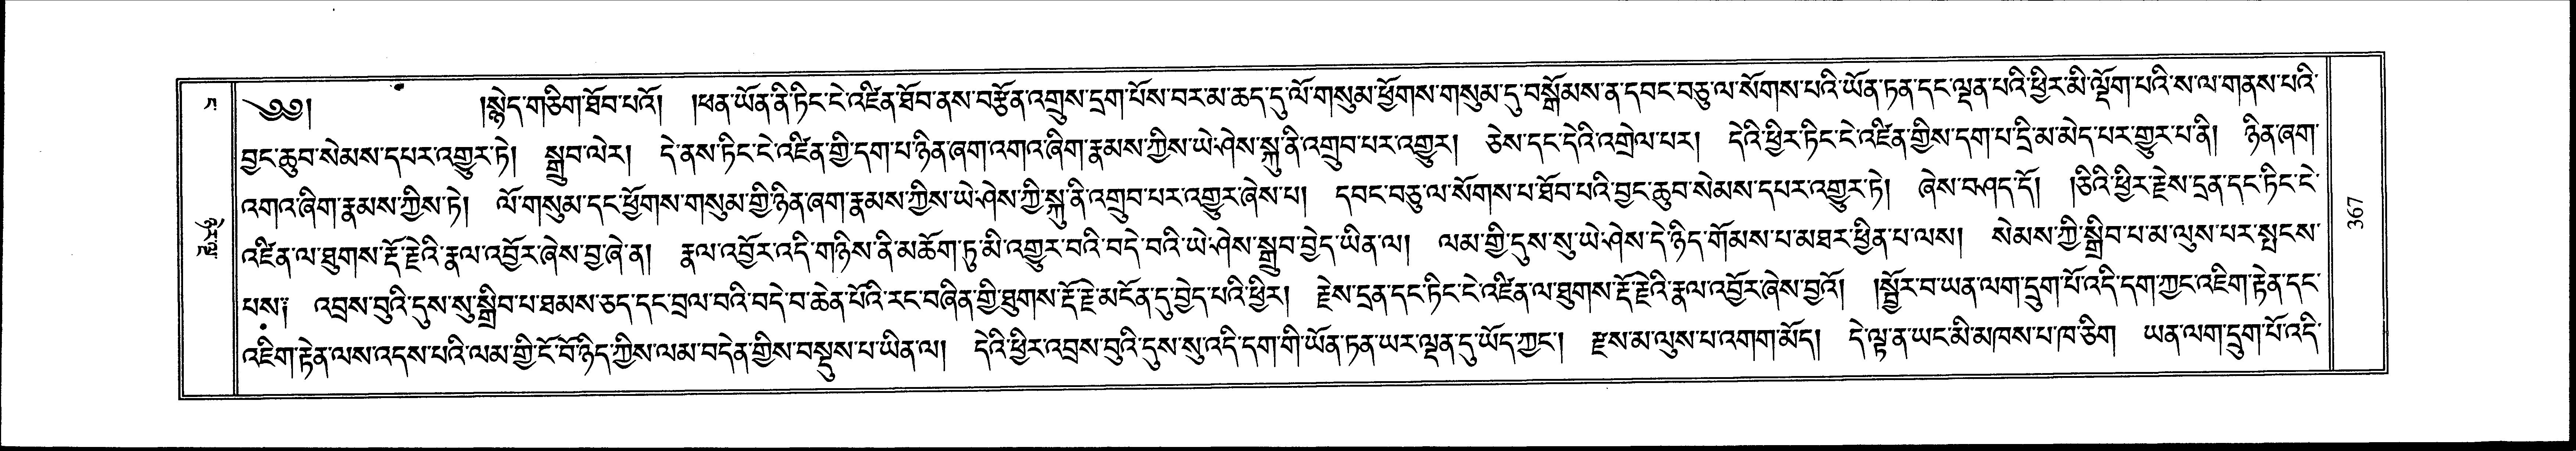༄༅། །སྙེད་གཅིག་ཐོབ་པའོ། །ཕན་ཡོན་ནི་ཏིང་ངེ་འཛིན་ཐོབ་ནས་བརྩོན་འགྲུས་དྲག་པོས་བར་མ་ཆད་དུ་ལོ་གསུམ་ཕྱོགས་གསུམ་དུ་བསྒོམས་ན་དབང་བཅུ་ལ་སོགས་པའི་ཡོན་ཏན་དང་ལྡན་པའི་ཕྱིར་མི་ལྡོག་པའི་ས་ལ་གནས་པའི་
བྱང་ཆུབ་སེམས་དཔར་འགྱུར་ཏེ། སྒྲུབ་ལེར། དེ་ནས་ཏིང་ངེ་འཛིན་གྱི་དག་པ་ཉིན་ཞག་འགའ་ཞིག་རྣམས་ཀྱིས་ཡེ་ཤེས་སྐུ་ནི་འགྲུབ་པར་འགྱུར། ཅེས་དང་དེའི་འགྲེལ་པར། དེའི་ཕྱིར་ཏིང་ངེ་འཛིན་གྱིས་དག་པ་དྲི་མ་མེད་པར་གྱུར་པ་ནི། ཉིན་ཞག་
འགའ་ཞིག་རྣམས་ཀྱིས་ཏེ། ལོ་གསུམ་དང་ཕྱོགས་གསུམ་གྱི་ཉིན་ཞག་རྣམས་ཀྱིས་ཡེ་ཤེས་ཀྱི་སྐུ་ནི་འགྲུབ་པར་འགྱུར་ཞེས་པ། དབང་བཅུ་ལ་སོགས་པ་ཐོབ་པའི་བྱང་ཆུབ་སེམས་དཔར་འགྱུར་ཏེ། ཞེས་བཤད་དོ། །ཅིའི་ཕྱིར་རྗེས་དྲན་དང་ཏིང་ངེ་
འཛིན་ལ་ཐུགས་རྡོ་རྗེའི་རྣལ་འབྱོར་ཞེས་བྱ་ཞེ་ན། རྣལ་འབྱོར་འདི་གཉིས་ནི་མཆོག་ཏུ་མི་འགྱུར་བའི་བདེ་བའི་ཡེ་ཤེས་སྒྲུབ་བྱེད་ཡིན་ལ། ལམ་གྱི་དུས་སུ་ཡེ་ཤེས་དེ་ཉིད་གོམས་པ་མཐར་ཕྱིན་པ་ལས། སེམས་ཀྱི་སྒྲིབ་པ་མ་ལུས་པར་སྤངས་
པས། འབྲས་བུའི་དུས་སུ་སྒྲིབ་པ་ཐམས་ཅད་དང་བྲལ་བའི་བདེ་བ་ཆེན་པོའི་རང་བཞིན་གྱི་ཐུགས་རྡོ་རྗེ་མངོན་དུ་བྱེད་པའི་ཕྱིར། རྗེས་དྲན་དང་ཏིང་ངེ་འཛིན་ལ་ཐུགས་རྡོ་རྗེའི་རྣལ་འབྱོར་ཞེས་བྱའོ། །སྦྱོར་བ་ཡན་ལག་དྲུག་པོ་འདི་དག་ཀྱང་འཇིག་རྟེན་དང་
འཇིག་རྟེན་ལས་འདས་པའི་ལམ་གྱི་ངོ་བོ་ཉིད་ཀྱིས་ལམ་བདེན་གྱིས་བསྡུས་པ་ཡིན་ལ། དེའི་ཕྱིར་འབྲས་བུའི་དུས་སུ་འདི་དག་གི་ཡོན་ཏན་ཡར་ལྡན་དུ་ཡོད་ཀྱང་། རྫས་མ་ལུས་པ་འགག་མོད། དེ་ལྟ་ན་ཡང་མི་མཁས་པ་ཁ་ཅིག་ཡན་ལག་དྲུག་པོ་འདི་